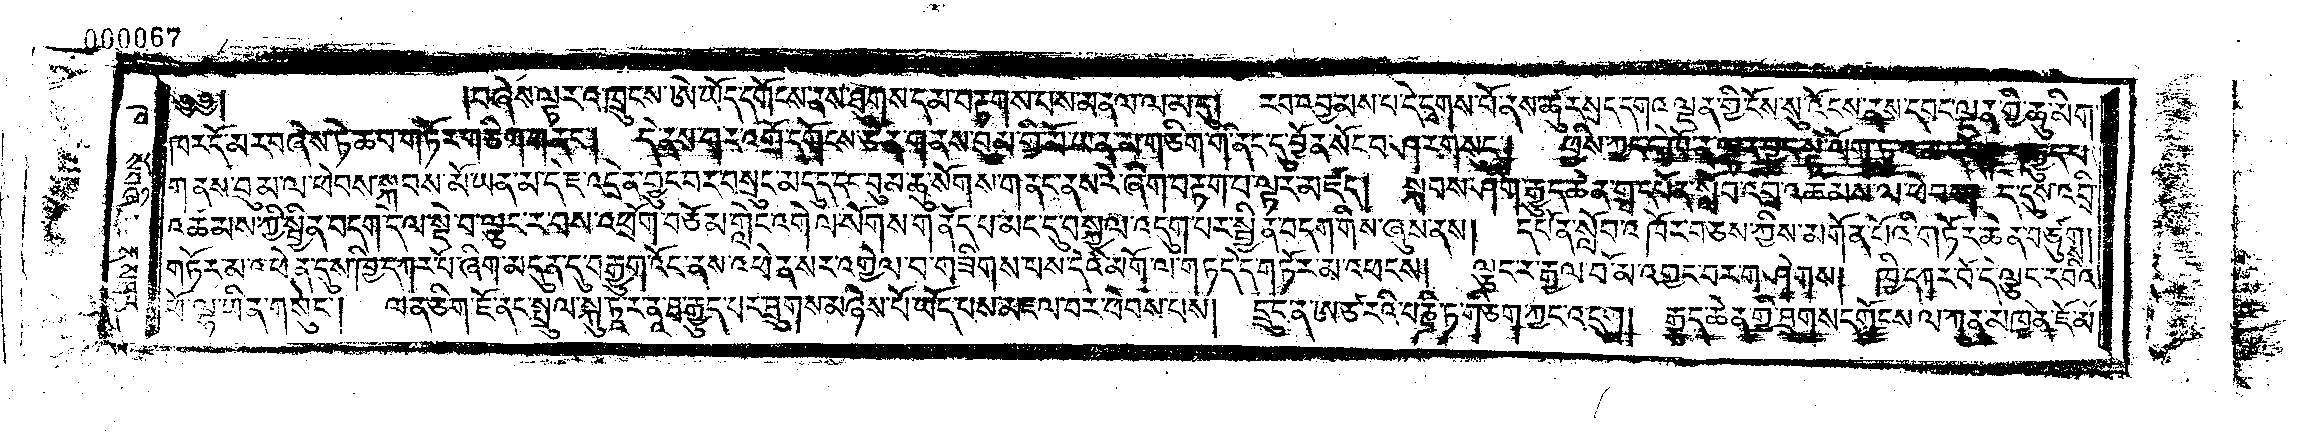༄༅། །བཞེས་ལྟར་འཁྲུངས་ཨེ་ཡོད་དགོངས་ནས་ཐུགས་དམ་བརྟགས་པས་མནལ་ལམ་དུ། རབ་འབྱམས་པ་དེ་དྭགས་པོ་ནས་ཚུར་སྲད་དགའ་ལྡན་གྱི་ངོས་སུ་འོངས་ནས་དབང་ལྡན་གྱི་ཆུ་མིག་
ཁར་དོ་མར་བཞེས་ཏེ་ཆ་བ་གཏོར་གཅིག་གནང་། དེ་ནས་གར་འགྲོ་དགོངས་ཙ་ན་གནས་བུམ་གྱི་མོ་ཡན་མ་གཅིག་གི་ནང་དུ་བྱོན་སོང་བ་ཤར་གསུང་། ཕྱིས་ཀྱང་དེ་ཁོ་ན་ལྟར་བྱུང་སྟེ་འོག་ཏུ་འཆད་དོ། །རྒྱུད་པ་
གནས་བུམ་ལ་ཕེབས་སྐབས་མོ་ཡན་མ་དེ་ཇ་འདྲེན་བྱུང་བར་བསྲུང་མདུད་དང་བུམ་ཆུ་སོགས་གནང་ནས་རེ་ཞིག་བརྟག་པ་ལྟར་མཛད། སྐབས་ཤིག་རྒྱུད་ཆེན་གྲྭ་དཔོན་སློབ་འབྲི་འཚམས་ལ་ཕེབས། དེ་དུས་འབྲི་
འཚམས་ཀྱི་སྦྱིན་བདག་དེ་ལ་སྡེ་པ་ལྕང་ར་བས་འཕྲོག་བཅོམ་གླེང་འགེལ་སོགས་གནོད་པ་མང་དུ་བསྐྱལ་འདུག་པར་སྦྱིན་བདག་གིས་ཞུས་ནས། དཔོན་སློབ་འཁོར་བཅས་ཀྱིས་མགོན་པོའི་གཏོར་ཆེན་བཙུགས།
གཏོར་མ་འཕེན་དུས་ཁྱི་དཀར་པོ་ཞིག་མདུན་དུ་བརྒྱུག་འོང་ནས་འཕེན་སར་འགྱེལ་བ་གཟིགས་པས་དེའི་མགོ་ལ་གཏད་དེ་གཏོར་མ་འཕངས། ལྕང་ར་རྒྱལ་བོ་མ་འགྱང་པར་གཤེགས། ཁྱི་དཀར་པོ་དེ་ལྕང་ར་བའི་
ཕོ་ལྷ་ཡིན་གསུང་། ལན་ཅིག་ཇོ་ནང་སྤྲུལ་སྐུ་ཏཱ་ར་ནཱ་ཐ་རྒྱུད་པར་ཐུགས་མཉེས་པོ་ཡོད་པས་མཇལ་བར་ཕེབས་པས། དྲུང་ན་ཨ་ཙ་རའི་པཎྜི་ཏ་གཅིག་ཀྱང་འདུག། རྒྱུད་ཆེན་གྱི་ཐུགས་དགོངས་ལ་ཀུན་མཁྱེན་ཇོ་མོ་